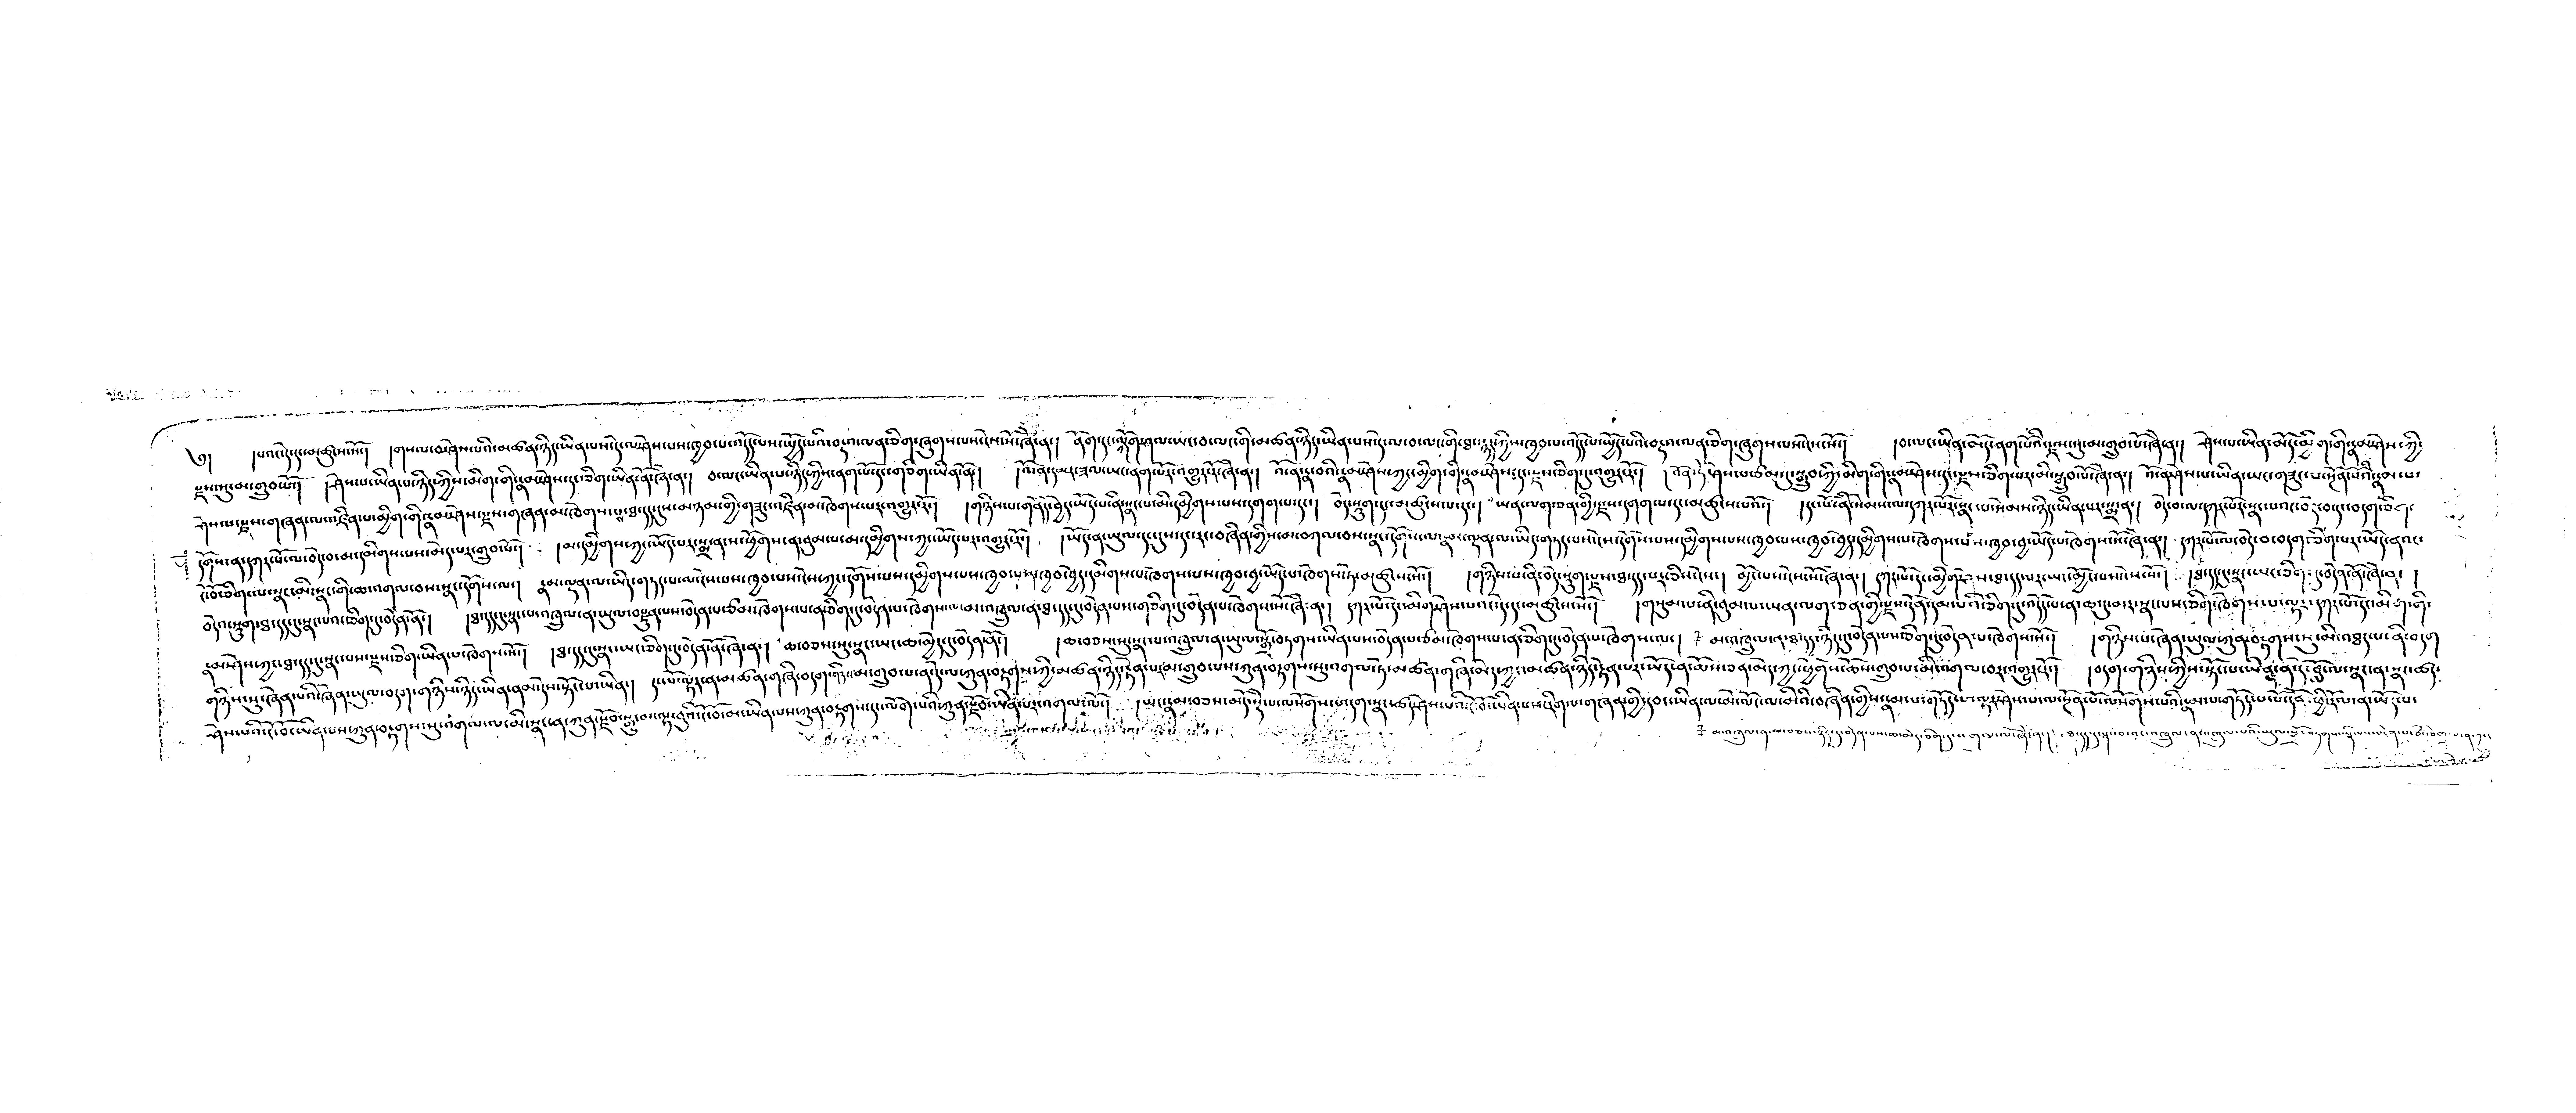༈། །པའང་དེ་དང་མཚུངས་སོ། །གསལ་བ་ཤེས་པའི་མཚན་ཉིད་ཡིན་པས་དེ་ལ་ཤེས་པས་ཁྱབ་པ་འདོད་པས་སྤྱོད་པའི་བརྡའ་ལན་ཅིག་ཞུགས་པས་ངེས་སོ་ཞེ་ན། ནོག་དང་ལྐོག་ཤལ་ཡང་བ་ལང་གི་མཚན་ཉིད་ཡིན་པས་དེ་ལ་བ་ལང་གི་ཐ་སྙད་ཀྱིས་ཁྱབ་པ་འདོད་པ་སྤྱོད་པའི་བརྡའ་ལན་ཅིག་ཞུགས་པས་ངེས་སོ། །བ་ལང་ཡིན་མོད་ནག་པོའི་རྗེས་སུ་མ་གྲུབ་པོ་ཞེ་ན། ཤེས་པ་ཡིན་མོད་མྱིག་གི་རྣམ་ཤེས་ཀྱི་
རྗེས་སུ་མ་གྲུབ་པོ། །ཤེས་པ་ཡིན་པ་ཉིད་ཀྱིས་མིག་གི་རྣམ་ཤེས་དང་ཅིག་ཡིན་ནོ་ཞེ་ན། བ་ལང་ཡིན་པ་ཉིད་ཀྱིས་ནག་པོ་དང་གཅིག་ཡིན་ནོ། །འོ་ན་དམར་ཟལ་ཡང་ནག་པོར་འགྱུར་རོ་ཞེ་ན། འོ་ན་རྣ་བའི་རྣམ་ཤེས་ཀྱང་མྱིག་གི་རྣམ་ཤེས་དང་རྫས་ཅིག་དུ་འགྱུར་རོ། །འོན་ཏེ་ཤེས་པ་ཙམ་དུ་སྒྲུབ་ཀྱི་མིག་གི་རྣམ་ཤེས་དང་རྫས་ཅིག་པར་མི་སྒྲུབ་པོ་ཞེ་ན། འོ་ན་ཤེས་པ་ཡིན་ཡང་གཟུང་པ་སྔོན་པོའི་རྣམ་པ་
ཤེས་པ་རྫས་གཞན་ལ་འཛིན་པ་མིག་གི་རྣམ་ཤེས་རྫས་གཞན་མ་ཁེགས་པས་ཐ་དད་དུས་མཉམ་གྱི་གཟུང་འཛིན་མ་ཁེགས་པར་འགྱུར་རོ། །གཉིས་པ་གནོད་བྱེད་ཡོད་པ་ནི་སྣང་པ་མི་དམིགས་པས་དགག་པ་དང་། བདེ་སྡུག་དང་མཚུངས་པ་དང་། ཡན་ལག་ཅན་གྱི་རྫས་དགག་པ་དང་མཚུངས་པའོ། །དང་པོ་ནི་སེམས་ལ་དཀར་པོར་སྣང་པ་སེམས་ཉིད་ཡིན་པར་སྨྲ་ན། བདེ་བ་ལ་དཀར་པོར་སྣང་པའང་བདེ་བ་དང་བདག་ཅིག་
དགོས་ན་དཀར་པོ་ལ་བདེ་བ་མ་དམིགས་པས་མེད་པར་གྲུབ་པོ། །མ་དམིགས་ཀྱང་ཡོད་པར་སྨྲ་ན་ས་ཕྱོགས་ན་བུམ་པ་མ་དམིགས་ཀྱང་ཡོད་པར་འགྱུར་རོ། །ཡོད་ན་ཡུལ་དང་དུས་དང་རང་བཞིན་གྱིས་མ་བཀལ་བས་སྣང་དགོས་ལ་རྣམ་ལྡན་ལ་ཡིད་གཏད་པས་ངེས་དགོས་པས་དམིགས་པས་ཁྱབ་པས་ཁྱབ་བྱེད་དམིགས་པ་ཁེགས་པས་ཁྱབ་བྱ་ཡོད་པ་ཁེགས་སོ་ཞེ་ན། དཀར་པོ་ལ་བདེ་བ་བདག་ཅིག་པར་ཡོད་ནའང་
ངོ་བོ་ཅིག་ལ་སྣང་མི་སྣང་གི་ཆ་འགལ་བས་སྣང་དགོས་ལ། རྣམ་ལྡན་ལ་ཡིད་གཏད་པ་ལ་ངེས་པས་ཁྱབ་པས་ངེས་ཀྱང་དགོས་པས་དམིགས་པས་ཁྱབ་པས་ཁྱབ་བྱེད་དམིགས་པ་ཁེགས་པས་ཁྱབ་བྱ་ཡོད་པ་ཁེགས་ཏེ་མཚུངས་སོ། །གཉིས་པ་ནི་བདེ་སྡུག་རྫས་ཐ་དད་པར་ཅིས་ངེས། མྱོང་པས་ངེས་སོ་ཞེ་ན། དཀར་པོ་དང་མྱིག་ཤེས་ཐ་དད་པར་ཡང་མྱོང་པས་ངེས་སོ། །ཐ་དད་དུ་སྣང་ཡང་ཅིག་དུ་བདེན་ནོ་ཞེ་ན།
བདེ་སྡུག་ཐ་དད་དུ་སྣང་པའང་ཅིག་དུ་བདེན་ནོ། །ཐ་དད་དུ་སྣང་པ་འཁྲུལ་ན་ཡུལ་བརྫུན་པས་བདེན་པ་ཙམ་ཁེགས་པ་ན་ཅིག་དུ་བདེན་པ་ཁེགས་ལ་མ་འཁྲུལ་ན་ཐ་དད་དུ་བདེན་པས་གཅིག་དུ་བདེན་པ་ཁེགས་སོ་ཞེ་ན། དཀར་པོ་དང་མིག་ཤེས་པའང་དེ་དང་མཚུངས་སོ། །གསུམ་པ་ནི་བུམ་པ་ཡན་ལག་ཅན་གྱི་རྫས་དོན་དམ་པའི་ཅིག་དུ་འདོད་པ་ན་ཆ་དུ་མར་སྣང་པས་ཅིག་ཁེགས་པ་ལྟར་དཀར་པོ་དང་མིག་གི་
རྣམ་ཤེས་ཀྱང་ཐ་དད་དུ་སྣང་པས་རྫས་ཅིག་ཡིན་པ་ཁེགས་སོ། །ཐ་དད་དུ་སྣང་ཡང་ཅིག་དུ་བདེན་ནོ་ཞེ་ན། ཆ་བཅས་སུ་སྣང་ཡང་ཆ་མེད་དུ་བདེན་ནོ། །ཆ་བཅས་སུ་སྣང་པ་འཁྲུལ་ན་ཡུལ་སྒྲོ་བཏགས་ཡིན་པས་བདེན་པ་ཙམ་ཁེགས་པ་ན་ཅིག་དུ་བདེན་པ་ཁེགས་ལ། མ་འཁྲུལ་ན་ཆ་བཅས་ཉིད་དུ་བདེན་པས་ཆ་མེད་ཅིག་དུ་འགལ་ལོ་ཞེ་ན། ཐ་དད་དུ་སྣང་བ་འང་འཁྲུལ་ན་འཁྲུལ་པའི་ཡུལ་སྒྲོ་བཏགས་ཡིན་པས་བདེན་པ་ཙམ་ཁེགས་པ་ན། མ་འཁྲུལ་ན་ཐ་དད་ཉིད་དུ་བདེན་པ་ཅིག་དུ་བདེན་པ་ཁེགས་སོ། །གཉིས་པ་ཞེན་ཡུལ་ཀུན་བརྟགས་སུ་མི་འཐད་པ་ནི་བདག་
གཉིས་སུ་ཞེན་པའི་ཞེན་ཡུལ་བདག་གཉིས་ཉིད་ཡིན་ནམ་དེས་སྟོང་པ་ཡིན། དང་པོ་ལྟར་ན་མཚན་གཞི་བདག་གཉིས་མ་གྲུབ་པ་ན་དེ་ལ་ཀུན་བརྟགས་ཀྱི་མཚན་ཉིད་རྟེན་པར་མ་གྲུབ་པས་ཀུན་བརྟགས་སུ་འགལ་ཏེ་མཚན་གཞི་མེད་ཀྱང་མཚན་ཉིད་རྟེན་པར་ཡོད་ན་ཆོས་ཅན་མེད་ཀྱང་ཕྱོགས་ཆོས་གྲུབ་པ་མི་འགལ་བར་འགྱུར་རོ། །བདག་གཉིས་ཀྱིས་སྟོང་པ་ཡིན་ན་དེ་བློ་ལ་སྣང་ན་སྣང་ཚད་
ཤེས་པའི་ངོ་བོ་ཡིན་པས་ཀུན་བརྟགས་སུ་འགལ་ལ་མི་སྣང་ན་ཀུན་རྫོབ་སྒྱུ་མ་ལྟ་བུའི་ངོ་བོ་མ་ཡིན་པས་ཀུན་བརྟགས་དང་ལོག་པའི་ཀུན་རྫོབ་ཡིན་པར་འགལ་ལོ། །ཡང་རྣམ་བཅས་མདོ་སྡེ་པ་ལ་སོགས་པ་དག་སྣང་ཚད་ཤེས་པའི་ངོ་བོ་ཡིན་པས་རིག་པ་གཞན་གྱི་དབང་ཡིན་ལ་མེ་ལོང་ལ་མིའི་བཞིན་གྱིས་རྣམ་པ་གཏོད་པ་ལྟར་ཤེས་པ་ལ་སྔོན་པོ་ལ་སོགས་པའི་རྣམ་པ་གཏོད་པ་པོ་དོན་ཕྱི་རོལ་ན་ཡོད་པ་